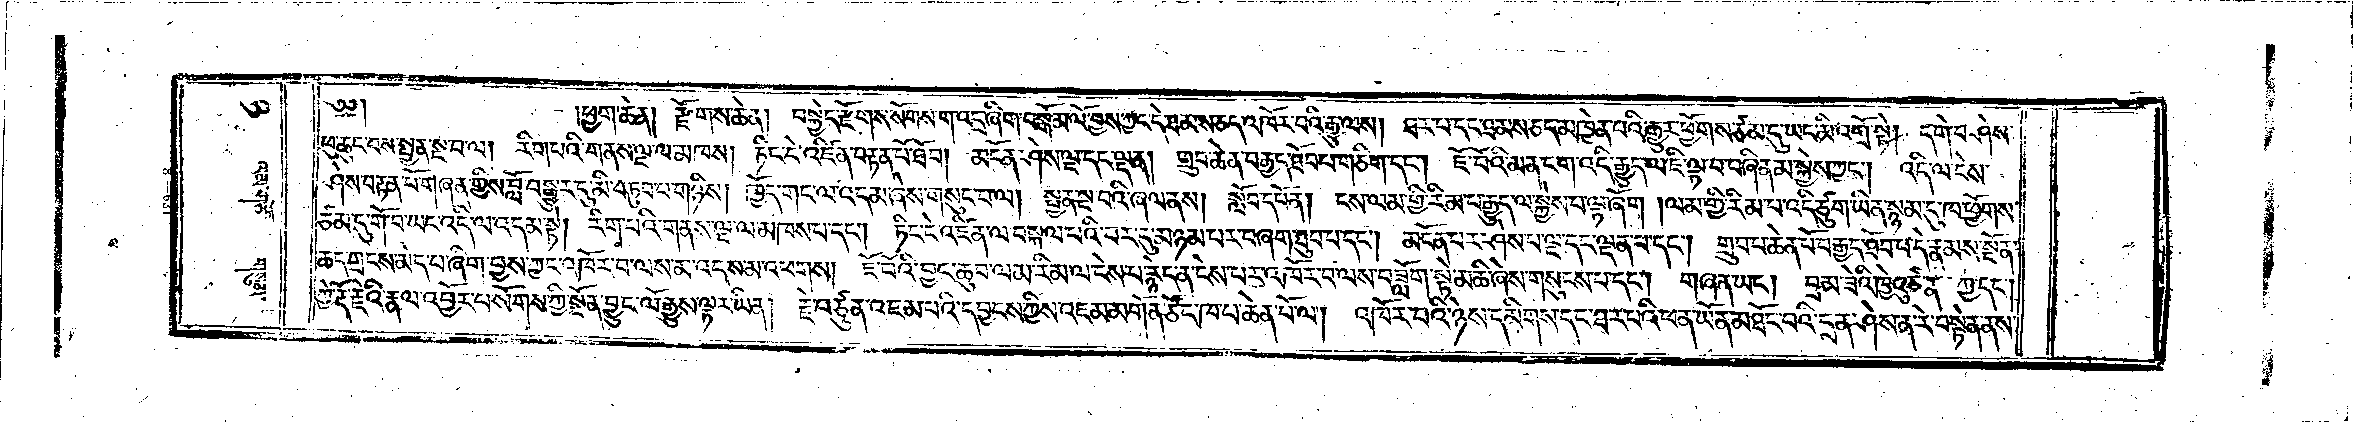༄༅། །ཕྱག་ཆེན། རྫོགས་ཆེན། བསྐྱེད་རྫོགས་སོགས་ག་འདྲ་ཞིག་བསྒོམ་ལོ་བྱས་ཀྱང་དེ་ཐམས་ཅད་འཁོར་བའི་རྒྱུ་ལས། ཐར་པ་དང་ཐམས་ཅད་མཁྱེན་པའི་རྒྱུར་ཕྱོགས་ཙམ་དུ་ཡང་མི་འགྲོ་སྟེ། དགེ་བཤེས་
ཕུ་ཆུང་བས་སྤྱན་སྔ་བ་ལ། རིག་པའི་གནས་ལྔ་ལ་མཁས། ཏིང་ངེ་འཛིན་བརྟན་པོ་ཐོབ། མངོན་ཤེས་ལྔ་དང་ལྡན། གྲུབ་ཆེན་བརྒྱད་ཐོབ་པ་གཅིག་དང་། ཇོ་བོའི་མན་ངག་འདི་རྒྱུད་ལ་ཇི་ལྟ་བ་བཞིན་མ་སྐྱེས་ཀྱང་། འདི་ལ་ངེས་
ཤེས་བརྟན་པོ་གཞན་གྱིས་བློ་བསྒྱུར་དུ་མི་བཏུབ་པ་གཉིས། ཁྱོད་གང་ལ་འདམ་ཞེས་གསུང་བ་ལ། སྤྱན་སྔ་བའི་ཞལ་ནས། སློབ་དཔོན། ངས་ལམ་གྱི་རིམ་པ་རྒྱུད་ལ་སྐྱེས་པ་ལྟ་ཞོག །ལམ་གྱི་རིམ་པ་འདི་ཙུག་ཡིན་སྙམ་དུ་ཁ་ཕྱོགས་
ཙམ་དུ་གོ་བ་ཡང་འདི་ལ་འདམ་སྟེ། རིག་པའི་གནས་ལྔ་ལ་མཁས་པ་དང་། ཏིང་ངེ་འཛིན་ལ་བསྐལ་པའི་བར་དུ་མཉམ་པར་བཞག་ཐུབ་པ་དང་། མངོན་པར་ཤེས་པ་ལྔ་དང་ལྡན་པ་དང་། གྲུབ་པ་ཆེན་པོ་བརྒྱད་ཐོབ་པ་དེ་རྣམས་སྔོན་
ཆད་གྲངས་མེད་པ་ཞིག་བྱས་ཀྱང་འཁོར་བ་ལས་མ་འདས་མ་འཕགས། ཇོ་བོའི་བྱང་ཆུབ་ལམ་རིམ་ལ་ངེས་པ་རྙེད་ན་ངེས་པར་འཁོར་བ་ལས་བཟློག་སྟེ་མཆི་ཞེས་གསུངས་པ་དང་། གཞན་ཡང་། བྲམ་ཟེའི་ཁྱེའུ་ཙ་ན་ཀྱ་དང་།
ཀྱེ་རྡོ་རྗེའི་རྣལ་འབྱོར་པ་སོགས་ཀྱི་སྔོན་བྱུང་ལོ་རྒྱུས་ལྟར་ཡིན། རྗེ་བཙུན་འཇམ་པའི་དབྱངས་ཀྱིས་འཇམ་མགོན་ཙོང་ཁ་པ་ཆེན་པོ་ལ། འཁོར་བའི་ཉེས་དམིགས་དང་ཐར་པའི་ཕན་ཡོན་མཐོང་བའི་དྲན་ཤེས་ན་རེ་བསྟེན་ནས་